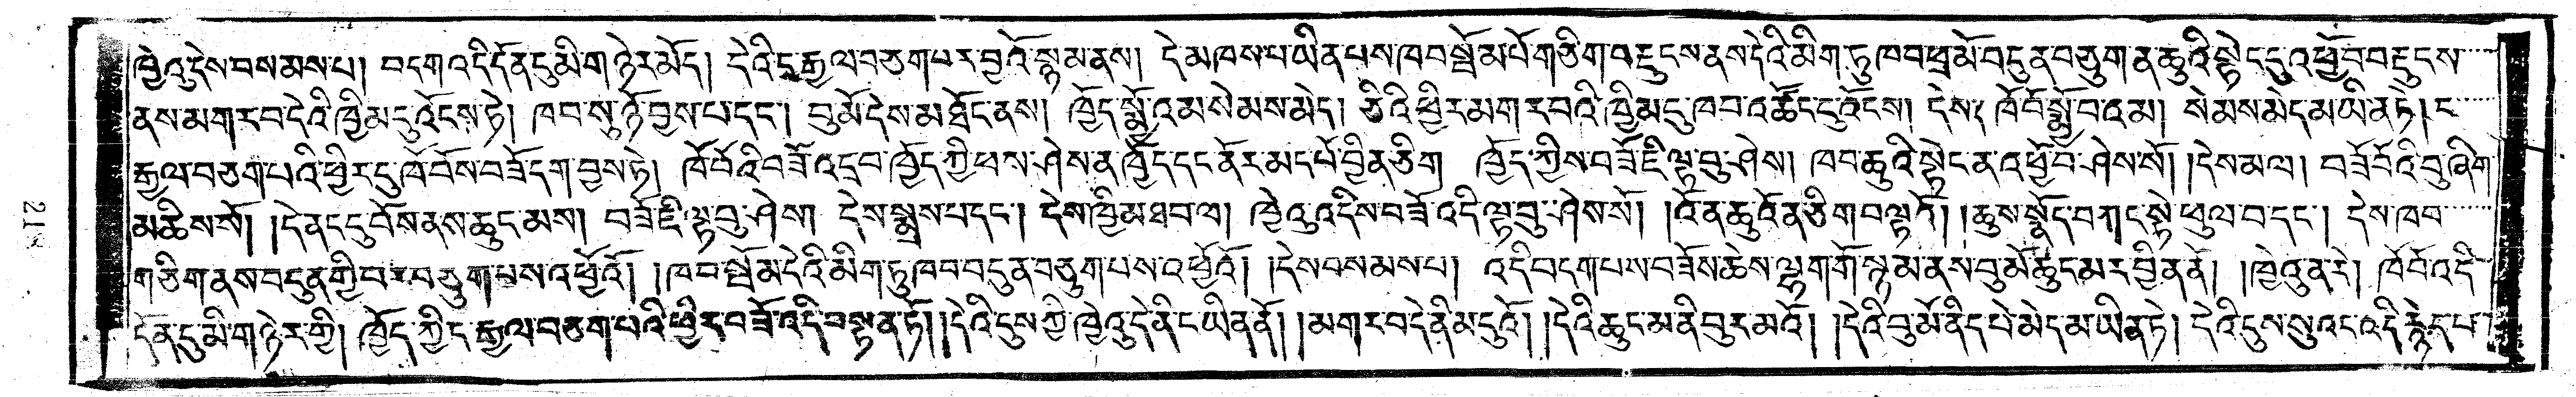ཁྱེའུ་དེས་བསམས་པ། བདག་འདི་དོན་དུ་མི་གཉེར་མོད། དེའི་ང་རྒྱལ་བཅག་པར་བྱའོ་སྙམ་ནས། དེ་མཁས་པ་ཡིན་པས་ཁབ་སྦོམ་པོ་གཅིག་བརྡུངས་ནས་དེའི་མིག་ཏུ་ཁབ་ཕྲ་མོ་བདུན་བཅུག་ན་ཆུའི་སྟེང་དུ་འཕྱོ་བ་བརྡུངས་
ནས་མགར་བ་དེའི་ཁྱིམ་དུ་འོངས་ཏེ། ཁབ་སུ་ཉོ་བྱས་པ་དང་། བུ་མོ་དེས་མཐོང་ནས། ཁྱོད་སྨྱོ་འམ་སེམས་མེད། ཅིའི་ཕྱིར་མགར་བའི་ཁྱིམ་དུ་ཁབ་འཚོང་དུ་འོངས། དེས༑ ཁོ་བོ་སྨྱོ་བའམ། སེམས་མེད་མ་ཡིན་ཏེ། ང་
རྒྱལ་བཅག་པའི་ཕྱིར་དུ་ཁོ་བོས་བཟོ་དག་བྱས་ཏེ། ཁོ་བོའི་བཟོ་འདྲ་བ་ཁྱོད་ཀྱི་ཕས་ཤེས་ན་ཁྱོད་དང་ནོར་མང་པོ་བྱིན་ཅིག་ཁྱོད་ཀྱིས་བཟོ་ཇི་ལྟ་བུ་ཤེས། ཁབ་ཆུའི་སྟེང་ན་འཕྱོ་བ་ཤེས་སོ། །དེས་མལ། བཟོ་བོའི་བུ་ཞིག་
མཆིས་སོ། །དེ་ནང་དུ་བོས་ནས་ཆུང་མས། བཟོ་ཇི་ལྟ་བུ་ཤེས། དེས་སྨྲས་པ་དང་། དེས་ཁྱིམ་ཐབ་ལ། ཁྱེའུ་འདིས་བཟོ་འདི་ལྟ་བུ་ཤེས་སོ། །འོ་ན་ཆུ་འོན་ཅིག་བལྟའོ། །ཆུས་སྣོད་བཀང་སྟེ་ཕུལ་བ་དང་། དེས་ཁབ་
གཅིག་ནས་བདུན་གྱི་བར་བཅུག་པས་འཕྱོའོ། །ཁབ་སྦོམ་དེའི་མིག་ཏུ་ཁབ་བདུན་བཅུག་པས་འཕྱོའོ། །དེས་བསམས་པ། འདི་བདག་པས་བཟོས་ཆེས་ལྷག་གོ་སྙམ་ནས་བུ་མོ་ཆུང་མར་བྱིན་ནོ། །ཁྱེའུ་ན་རེ། ཁོ་བོ་འདི་
དོན་དུ་མི་གཉེར་གྱི། ཁྱོད་ཀྱི་ང་རྒྱལ་བཅག་པའི་ཕྱིར་བཟོ་འདི་བསྟན་ཏོ། །དེའི་དུས་ཀྱི་ཁྱེའུ་དེ་ནི་ང་ཡིན་ནོ། །མགར་བ་དེ་ནི་མདུའོ། །དེའི་ཆུང་མ་ནི་བུར་མའོ། །དེའི་བུ་མོ་ནི་དཔེ་མེད་མ་ཡིན་ཏེ། དེའི་དུས་སུའང་འདི་རྙེད་པ་